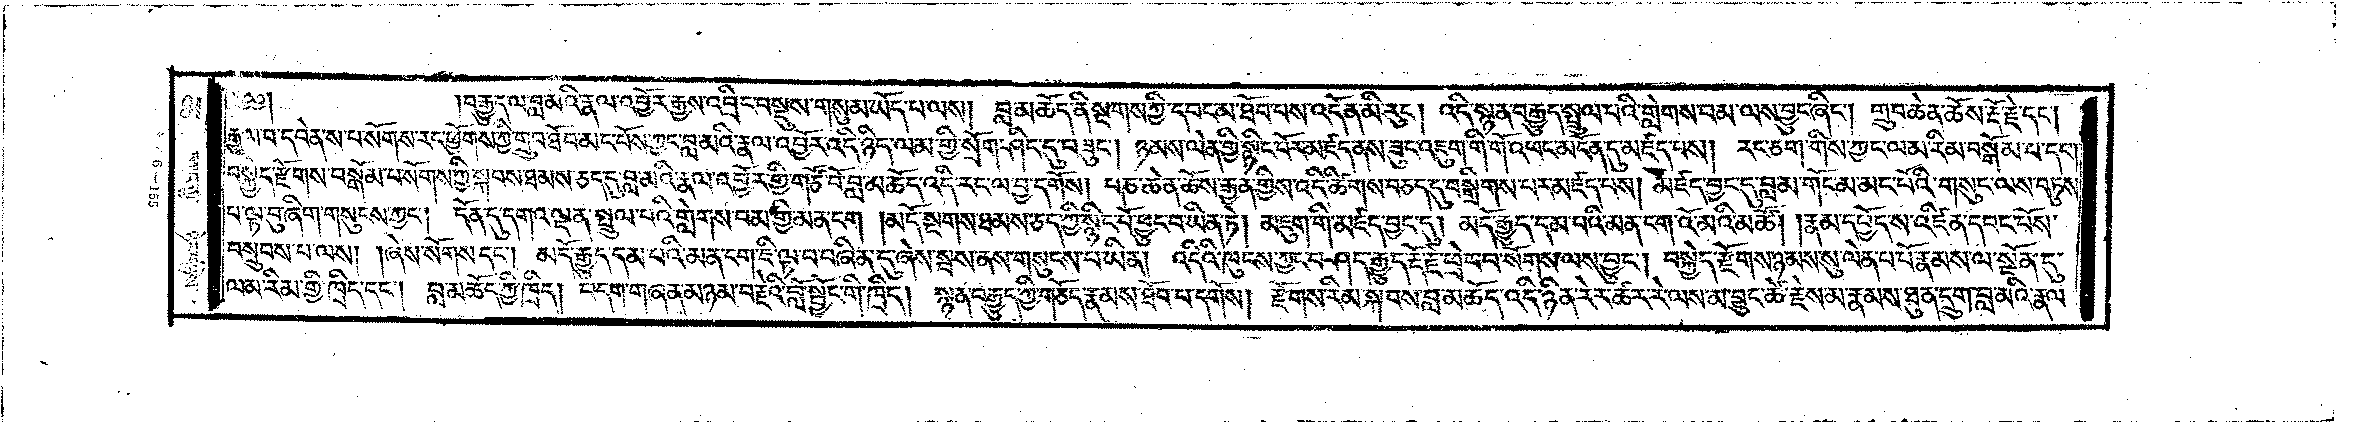༄༅། །བརྒྱུད་ལ་བླ་མའི་རྣལ་འབྱོར་རྒྱས་འབྲིང་བསྡུས་གསུམ་ཡོད་པ་ལས། བླ་མཆོད་ནི་སྔགས་ཀྱི་དབང་མ་ཐོབ་པས་འདོན་མི་རུང་། འདི་སྙན་བརྒྱུད་སྤྲུལ་པའི་གླེགས་བམ་ལས་བྱུང་ཞིང་། གྲུབ་ཆེན་ཆོས་རྡོ་རྗེ་དང་།
རྒྱལ་བ་དབེན་ས་པ་སོགས་རང་ཕྱོགས་ཀྱི་གྲུབ་ཐོབ་མང་པོས་ཀྱང་བླ་མའི་རྣལ་འབྱོར་འདི་ཉིད་ལམ་གྱི་སྲོག་ཤིང་དུ་བཟུང་། ཉམས་ལེན་གྱི་སྙིང་པོར་མཛད་ནས་ཟུང་འཇུག་གི་གོ་འཕང་མངོན་དུ་མཛད་པས། རང་ཅག་གིས་ཀྱང་ལམ་རིམ་བསྒོམ་པ་དང་།
བསྐྱེད་རྫོགས་བསྒོམ་པ་སོགས་ཀྱི་སྐབས་ཐམས་ཅད་དུ་བླ་མའི་རྣལ་འབྱོར་གྱི་གཙོ་བོ་བླ་མཆོད་འདི་རང་ལ་བྱ་དགོས། པཎ་ཆེན་ཆོས་རྒྱན་གྱིས་འདི་ཚིགས་བཅད་དུ་བསྒྲིགས་པར་མཛད་པས། མཛད་བྱང་དུ་བླ་མ་གོང་མ་མང་པོའི་གསུང་ལས་བཏུས་
པ་ལྟ་བུ་ཞིག་གསུངས་ཀྱང་། དོན་དུ་དགའ་ལྡན་སྤྲུལ་པའི་གླེགས་བམ་གྱི་མན་ངག །མདོ་སྔགས་ཐམས་ཅད་ཀྱི་སྙིང་པོ་ཕྱུང་བ་ཡིན་ཏེ། མཇུག་གི་མཛད་བྱང་དུ། མདོ་རྒྱུད་དམ་པའི་མན་ངག་འོ་མའི་མཚོ། །རྣམ་དཔྱོད་ས་འཛིན་དབང་པོས་
བསྲུབས་པ་ལས། །ཞེས་སོགས་དང་། མདོ་རྒྱུད་དམ་པའི་མན་ངག་ཇི་ལྟ་བ་བཞིན་དུ་ཞེས་སྦས་ནས་གསུངས་པ་ཡིན། འདིའི་ཁུངས་ཀྱང་བཤད་རྒྱུད་རྡོ་རྗེ་ཕྲེང་བ་སོགས་ལས་བྱུང་། བསྐྱེད་རྫོགས་ཉམས་སུ་ལེན་པ་པོ་རྣམས་ལ་སྔོན་དུ་
ལམ་རིམ་གྱི་ཁྲིད་དང་། བླ་མཆོད་ཀྱི་ཁྲིད། བདག་གཞན་མཉམ་བརྗེའི་བློ་སྦྱོང་གི་ཁྲིད། སྙན་བརྒྱུད་ཀྱི་གཅོད་རྣམས་ཐོབ་པ་དགོས། རྫོགས་རིམ་སྐབས་བླ་མཆོད་འདི་ཉིན་རེར་ཚར་རེ་ལས་མ་བྱུང་ཚེ་རྗེས་མ་རྣམས་ཐུན་དྲུག་བླ་མའི་རྣལ་